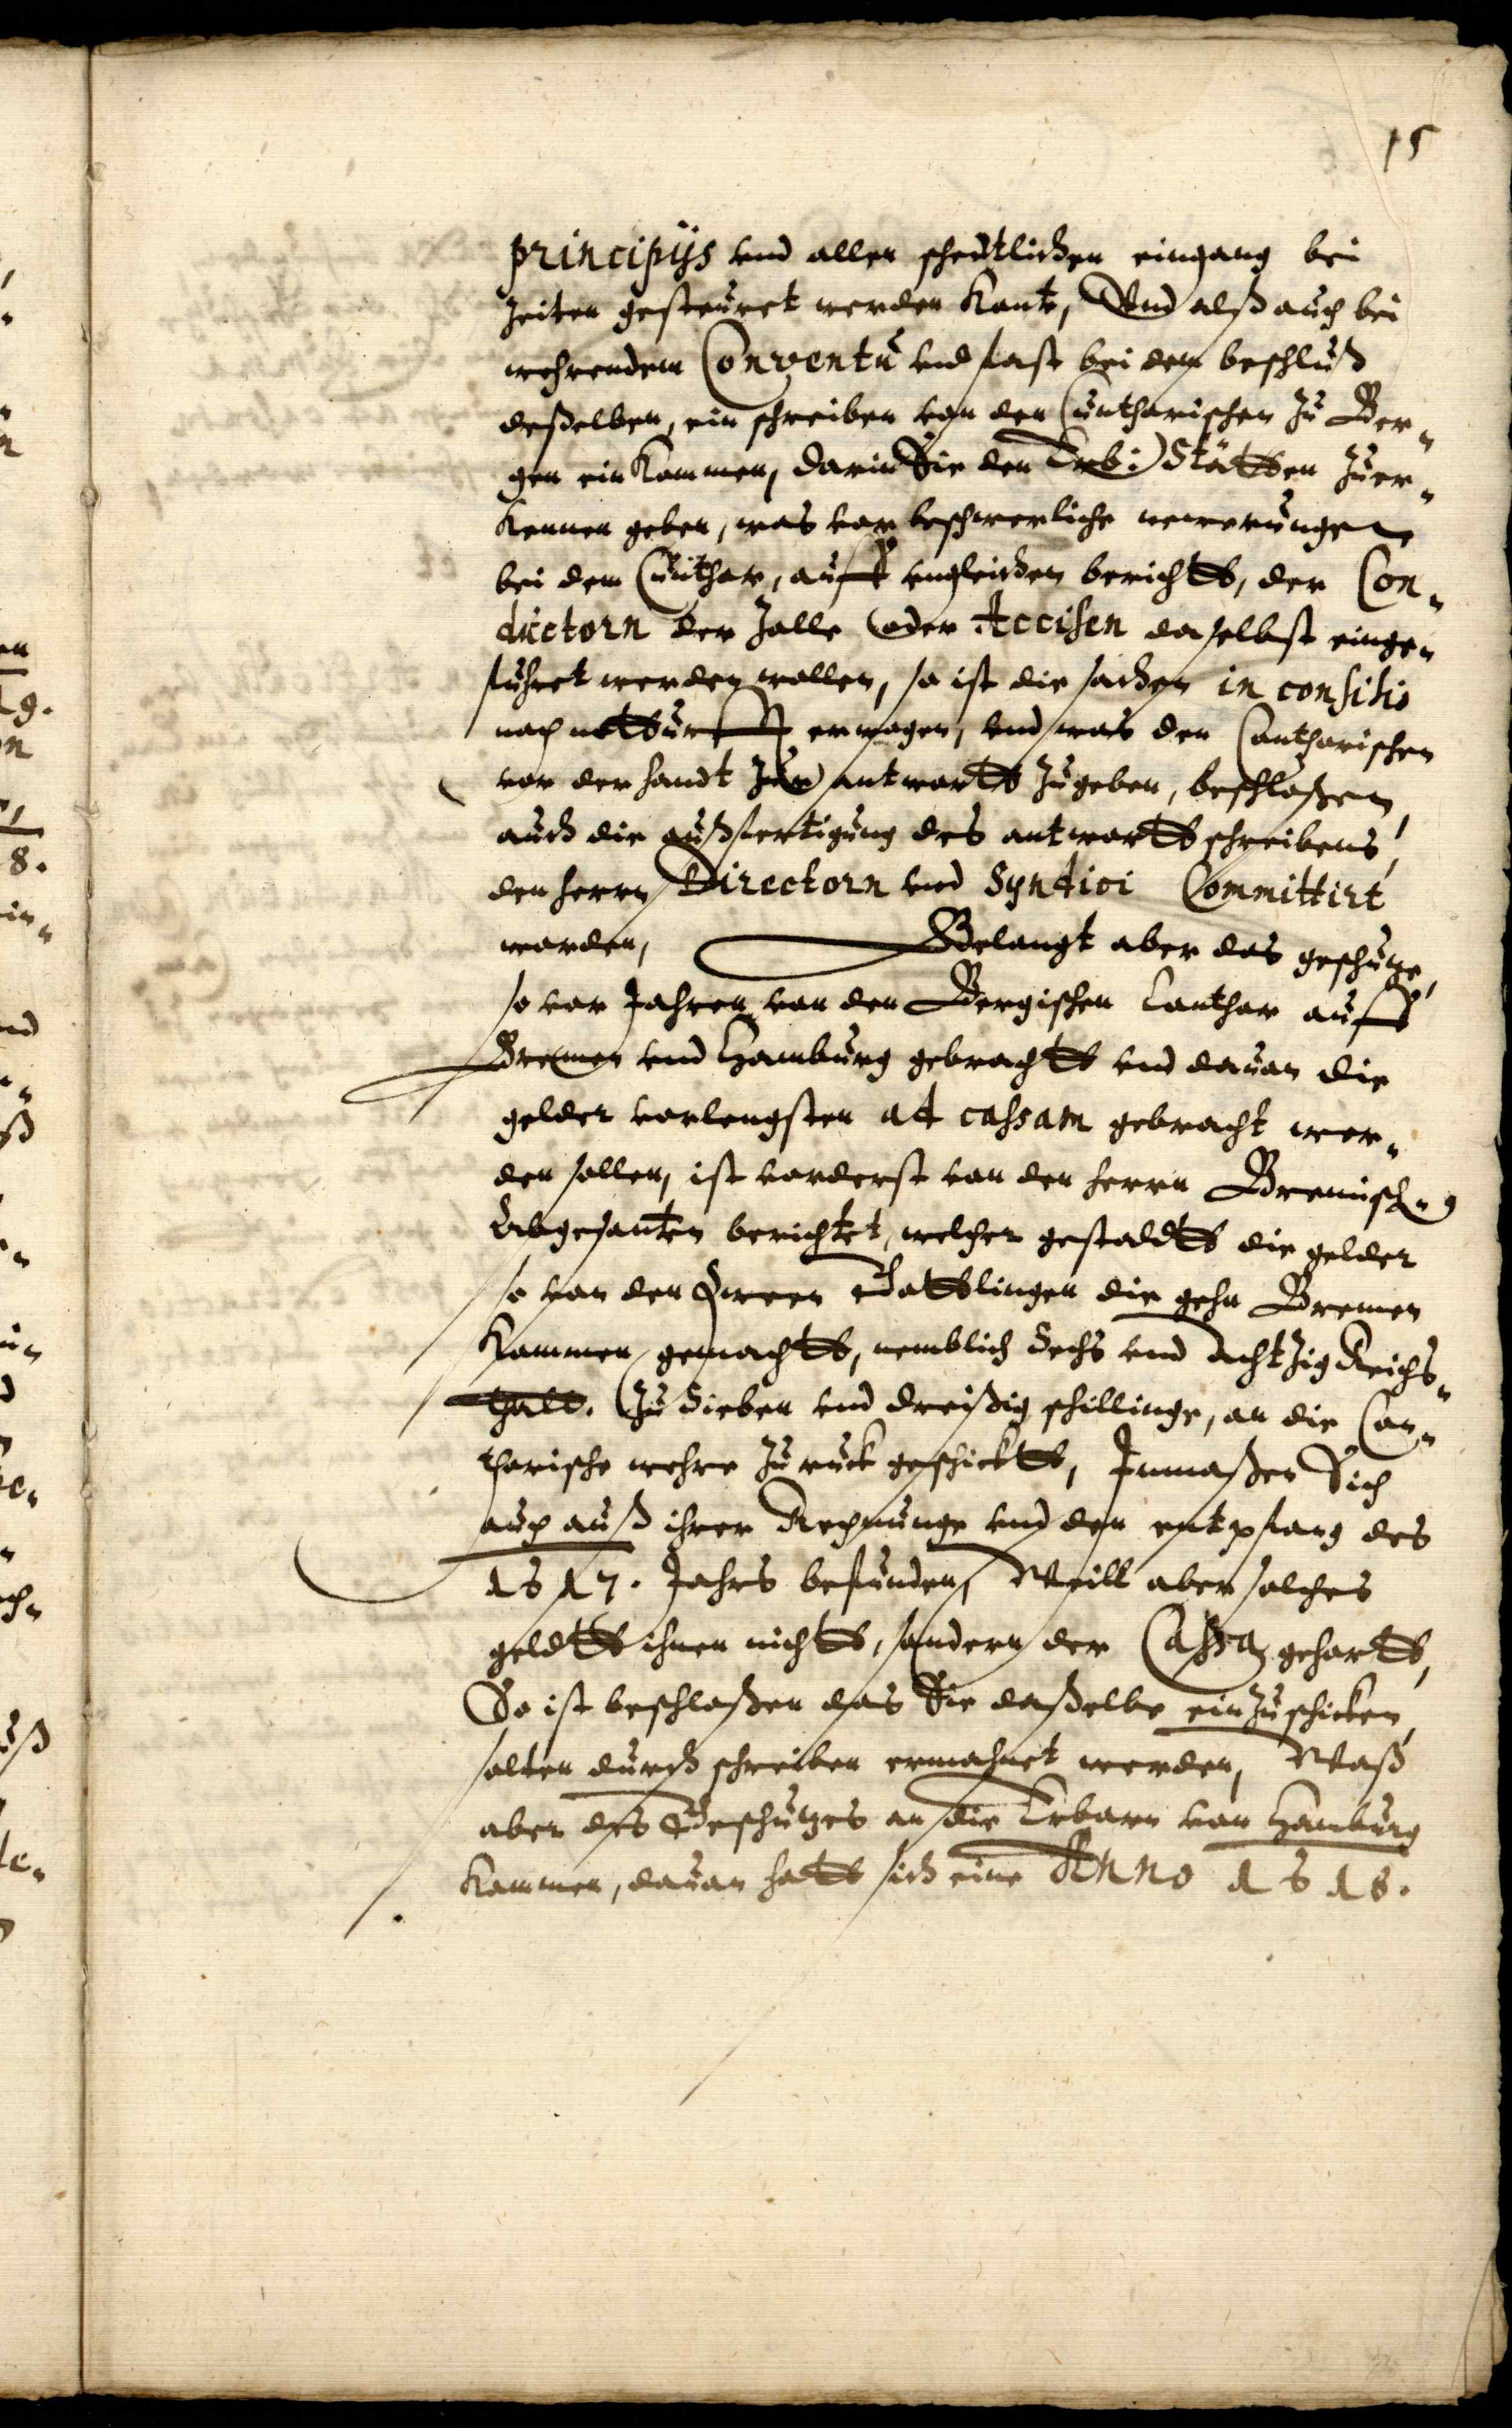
15
principijs vnd allen schedtlichen eingang bei
zeiten gesteuert werden konte, Vnd alß auch bei
wehrendem Conventu vnd fast bei den beschluß
deßelben, ein schreiben von den Conthorischen Zu Ber¬
gen einkommen, darin Sie den Erb: Stätten Zuer¬
kennen geben, was vor beschwerliche newerungen
bei dem Cunthor, auff vngleichen berichtt, den Con¬
ductorn der Zolle oder Accisen daselbst einge¬
fuhrt werden wollen, so ist die sachen in consilio
nach notturfft erwogen, vnd was den Conthorischen
vor der handt zur antwortt Zugeben, beschloßen,
auch die außfertigung des antwortt schreibens,
den herrn Directorn vnd Syndici Committirt
worden, Belangt aber das geschutze,
so vor Iahren von den Bergischen Conthor auff
Bremen vnd Hamburg gebrachtt vnd dauon die
gelder vorlengsten ad cahsam gebracht wer¬
den sollen, ist vordertst von den herrn Bremisch
Abgesanten berichtet, welcher gestalt die gelder
so von den Zween Gottlingen die gehn Bremen
kommen gemachtt, nemblich Sechs vnd AchtZig Reichs¬
thall. Zu Sieben vnd dreißig schillinge, an die Con¬
thorische wehre Zuruck geschicktt, Inmaßen Sich
auch auß ihren Rechnunge vnd den entpfang des
1617. Iahres befunden, Weil aber solches
geldtt ihnen nichtt, sondern der Cassa gehortt,
So ist beschoßen das Sie daßelbe einZuschicken,
solten durch schreiben ermahnt werden, Waß
aber des Geschutzes an die Erbarn von Hamburg
kommen, dauon hatt sich eine Anno 1618.
